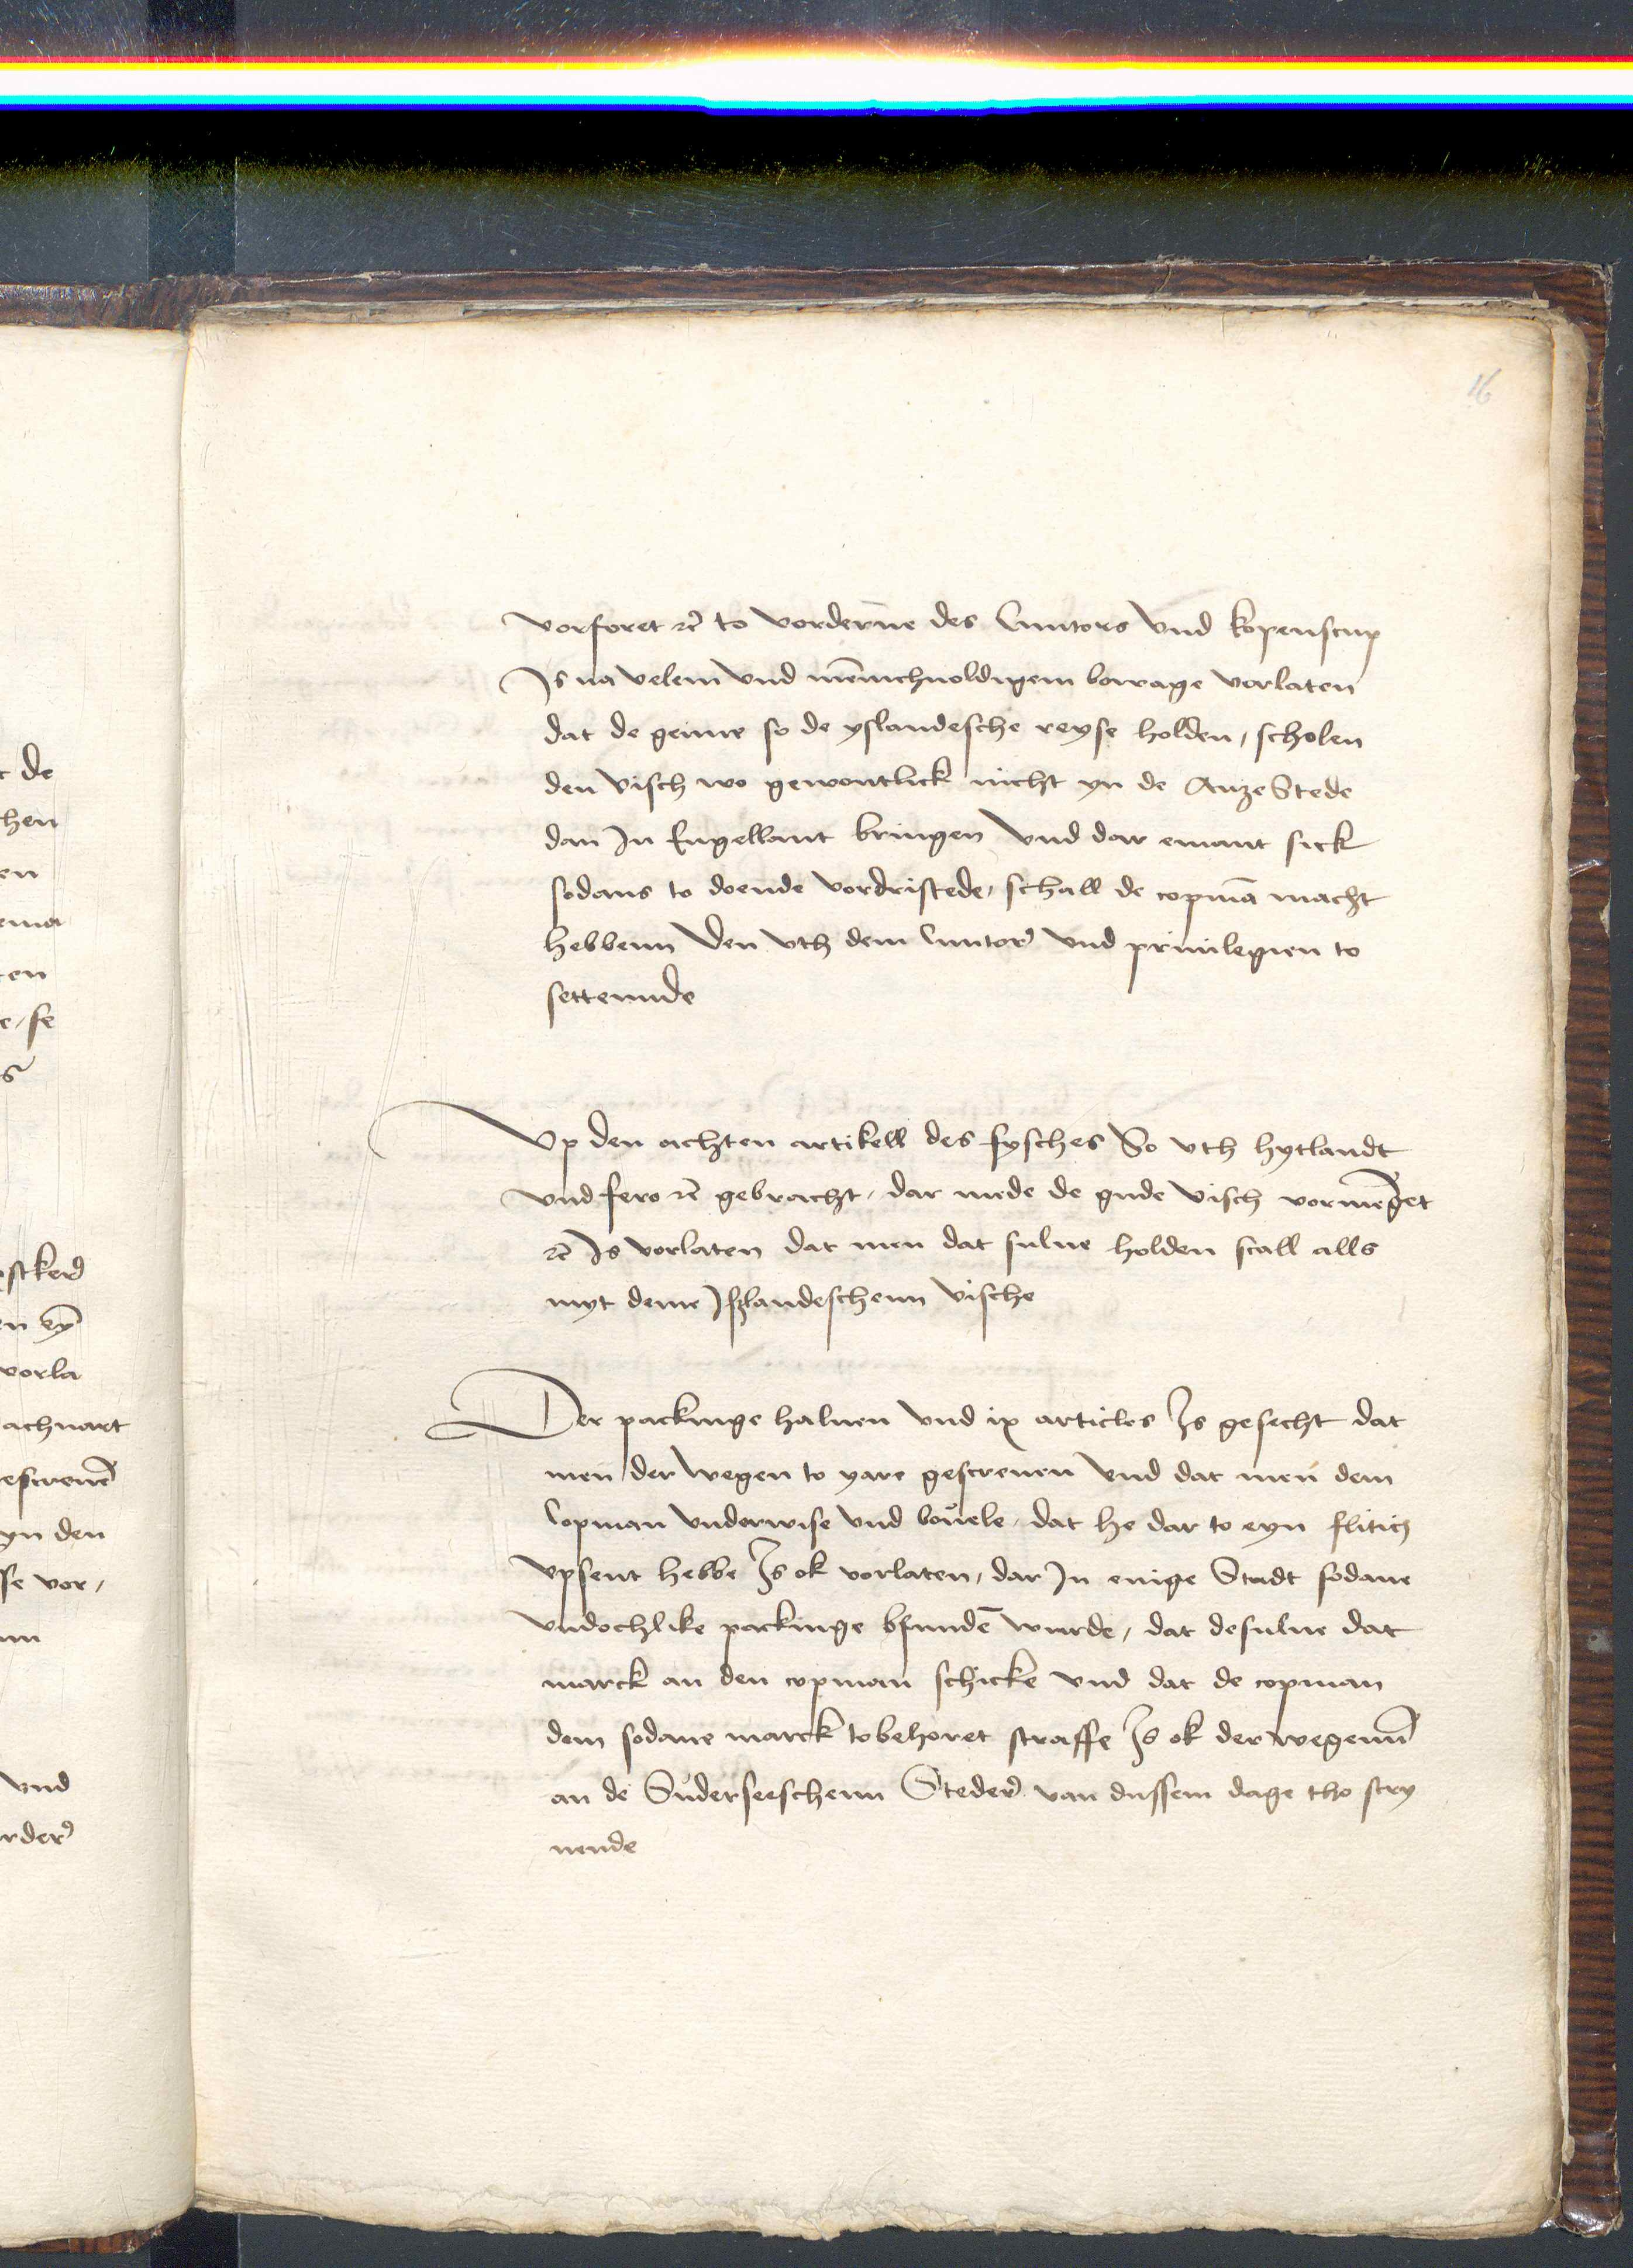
vorforet etc to vorderue des Cuntors vnd kopenscup
Js na velem vnd mennichuohldigem bowage vorlaten
dat de genne so de yslandesche reyse holde, scholen
den visch wo gewontlick nicht yn de AnzeStede
dan Jn Engellant bringen vnd dar emant sick
sodans to doende vordristede, schall de copman macht
hebben den uth dem Cuntor vnd priuilegien to
settende
Vp den achten artikell des fysches So uth hytlandt
vnd fero etc gebracht, dar mede de gude visch vormenget
etc Js vorlaten dat men dat sulue holden scall alls
myt deme Iszlandeschen vische
Der packinge haluen vnd ix articles Is gesecht dat
men der wegen to yare gesecreuen vnd dat men dem
Copman vnderwise vnd bouele, dat he dar to eyn flitich
vpsent hebbe Is ok vorlaten, dar Jn enige Stadt sodane
vndochlike packinge bfunden wurde, dat desulue dat
marck an den copman schicke vnd dat de copman
dem sodane marck tobehoret straffe Is ok der wegenn
an de Suderseeschen Steder van dussen dage tho scry¬
uende
